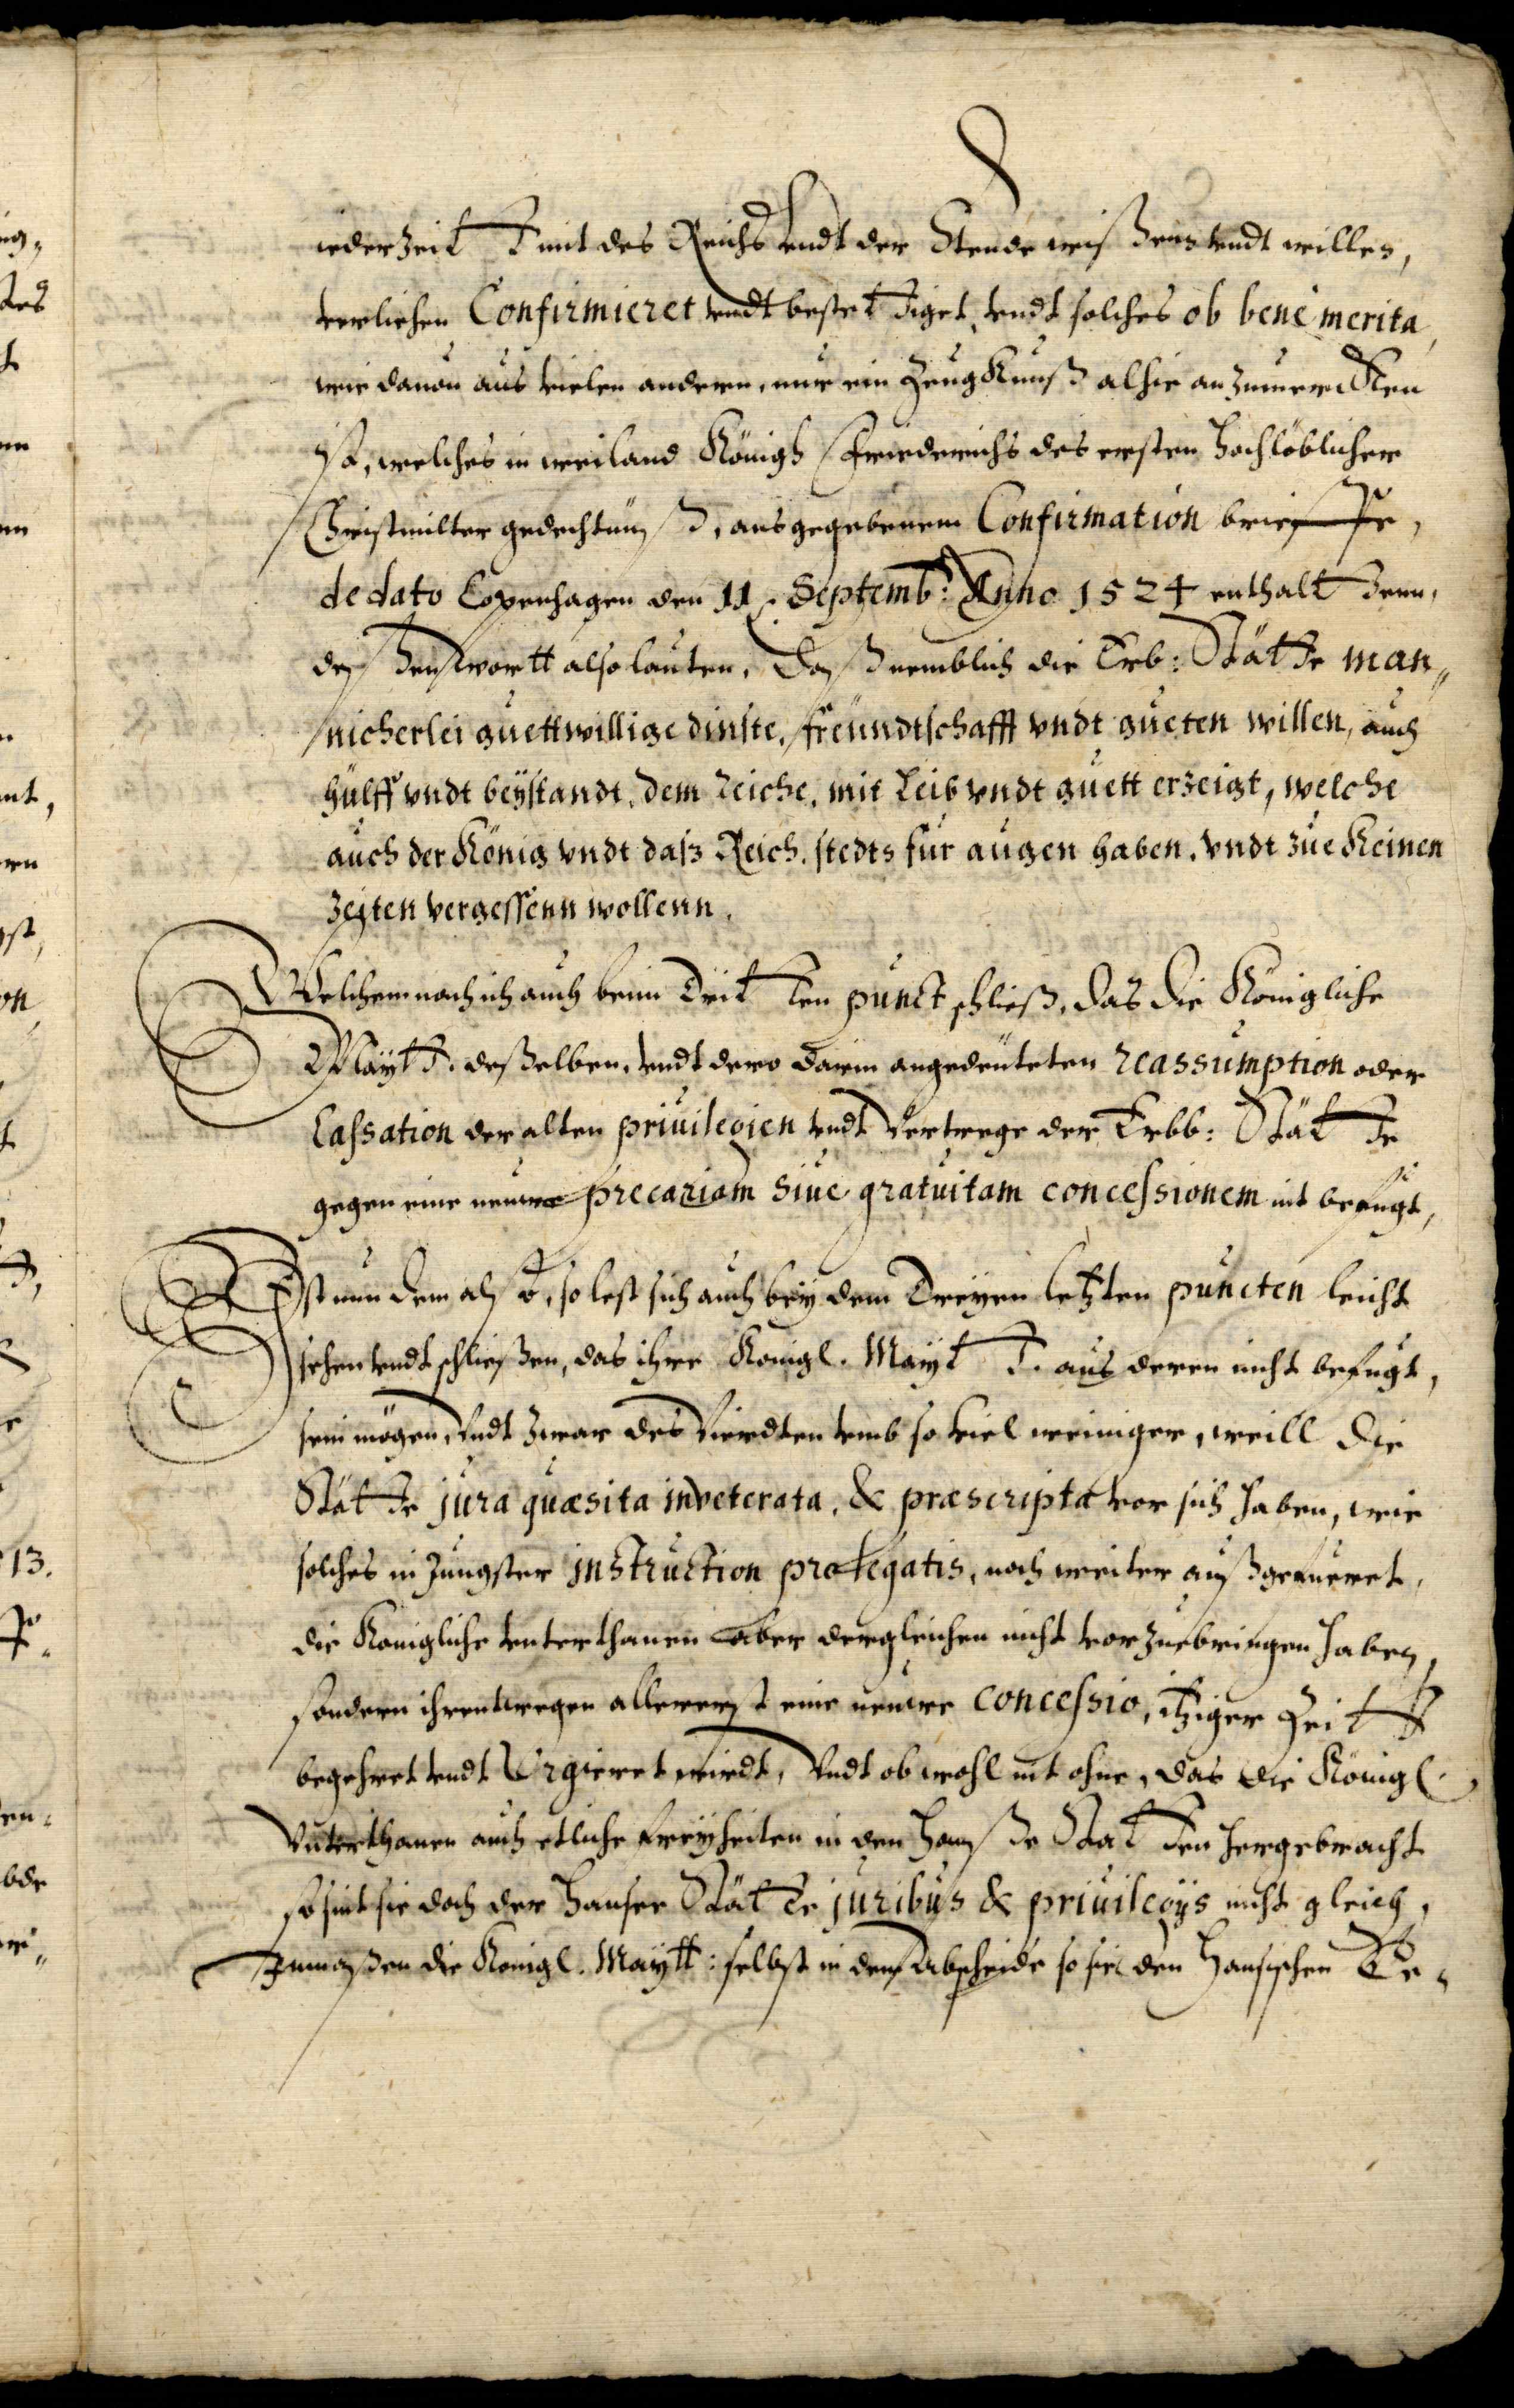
iederzeitt mit des Reichs vndt der Stende wißenn vndt willen,
verliehen Confirmieret vndt bestettiget, vndt solches ob bene merita,
wie dauon aus vielen andern, nur ein Zeugknuß alhir anzumercken
ist, welches in weiland Königh Friederichs des ersten Hochlöblicher
Cristmilter gedechtnüß, aus gegebenem Confirmation brieffe,
de dato Copenhagen den 11. Septemb: Anno 1524 enthalttenn,
deßen Wortt also lauten, Daß nemblich die Erb: Stätte man¬
nicherlei guettwillige dinste, freündtschafft vndt gueten willen, auch
hülff vndt beijstandt dem reiche, mit Leib vndt guett erzeigt, welche
auch der König vndt dasz Reich, stedts fur augen haben, vndt zue Keinen
zeiten vergessenn wollenn,
Welchem nach ich auch beim Dritten punct schließ, das die Königliche
Maijtt. deßelben, vndt dero darin angedeüteten reassumption oder
Cassation der alten priuilegien vndt Vertrege der Erbb: Stätte
gegen eine neuwer precariam siue gratuitam concessionem nit befugt,
Ist nun dem also, so leßt sich auch beij dem Dreijen letzten puncten leicht
sehen vndt schließen, das ihre Konigl. Maijtt. aus deren nicht befugt,
sein mögen, Vndt zwar des Vierdten vmb so viel weiniger, weill die
Stätte jura quaesita inveterata, & præscripta vor sich haben, wie
solches in jungster instruction pro legatis, noch weiter außgefueret,
die Konigliche Vnterthanen aber dergleichen nicht vorzuebringen haben,
sondern ihrentwegen allererst eine neuwe concessio, itziger Zeitt
begehret vndt Urgieret wirdt, Vndt ob wohl nit ohne, das die Königl.
Vnterthanen auch etliche freijheiten in den Hanße Statten hergebracht
so sint sie doch der Hansee Stätte juribus & priuilegijs nicht gleich,
Inmaßen die Konigl. Maijtt: selbst in dem Abscheide so sie den Hansischen Ge¬
